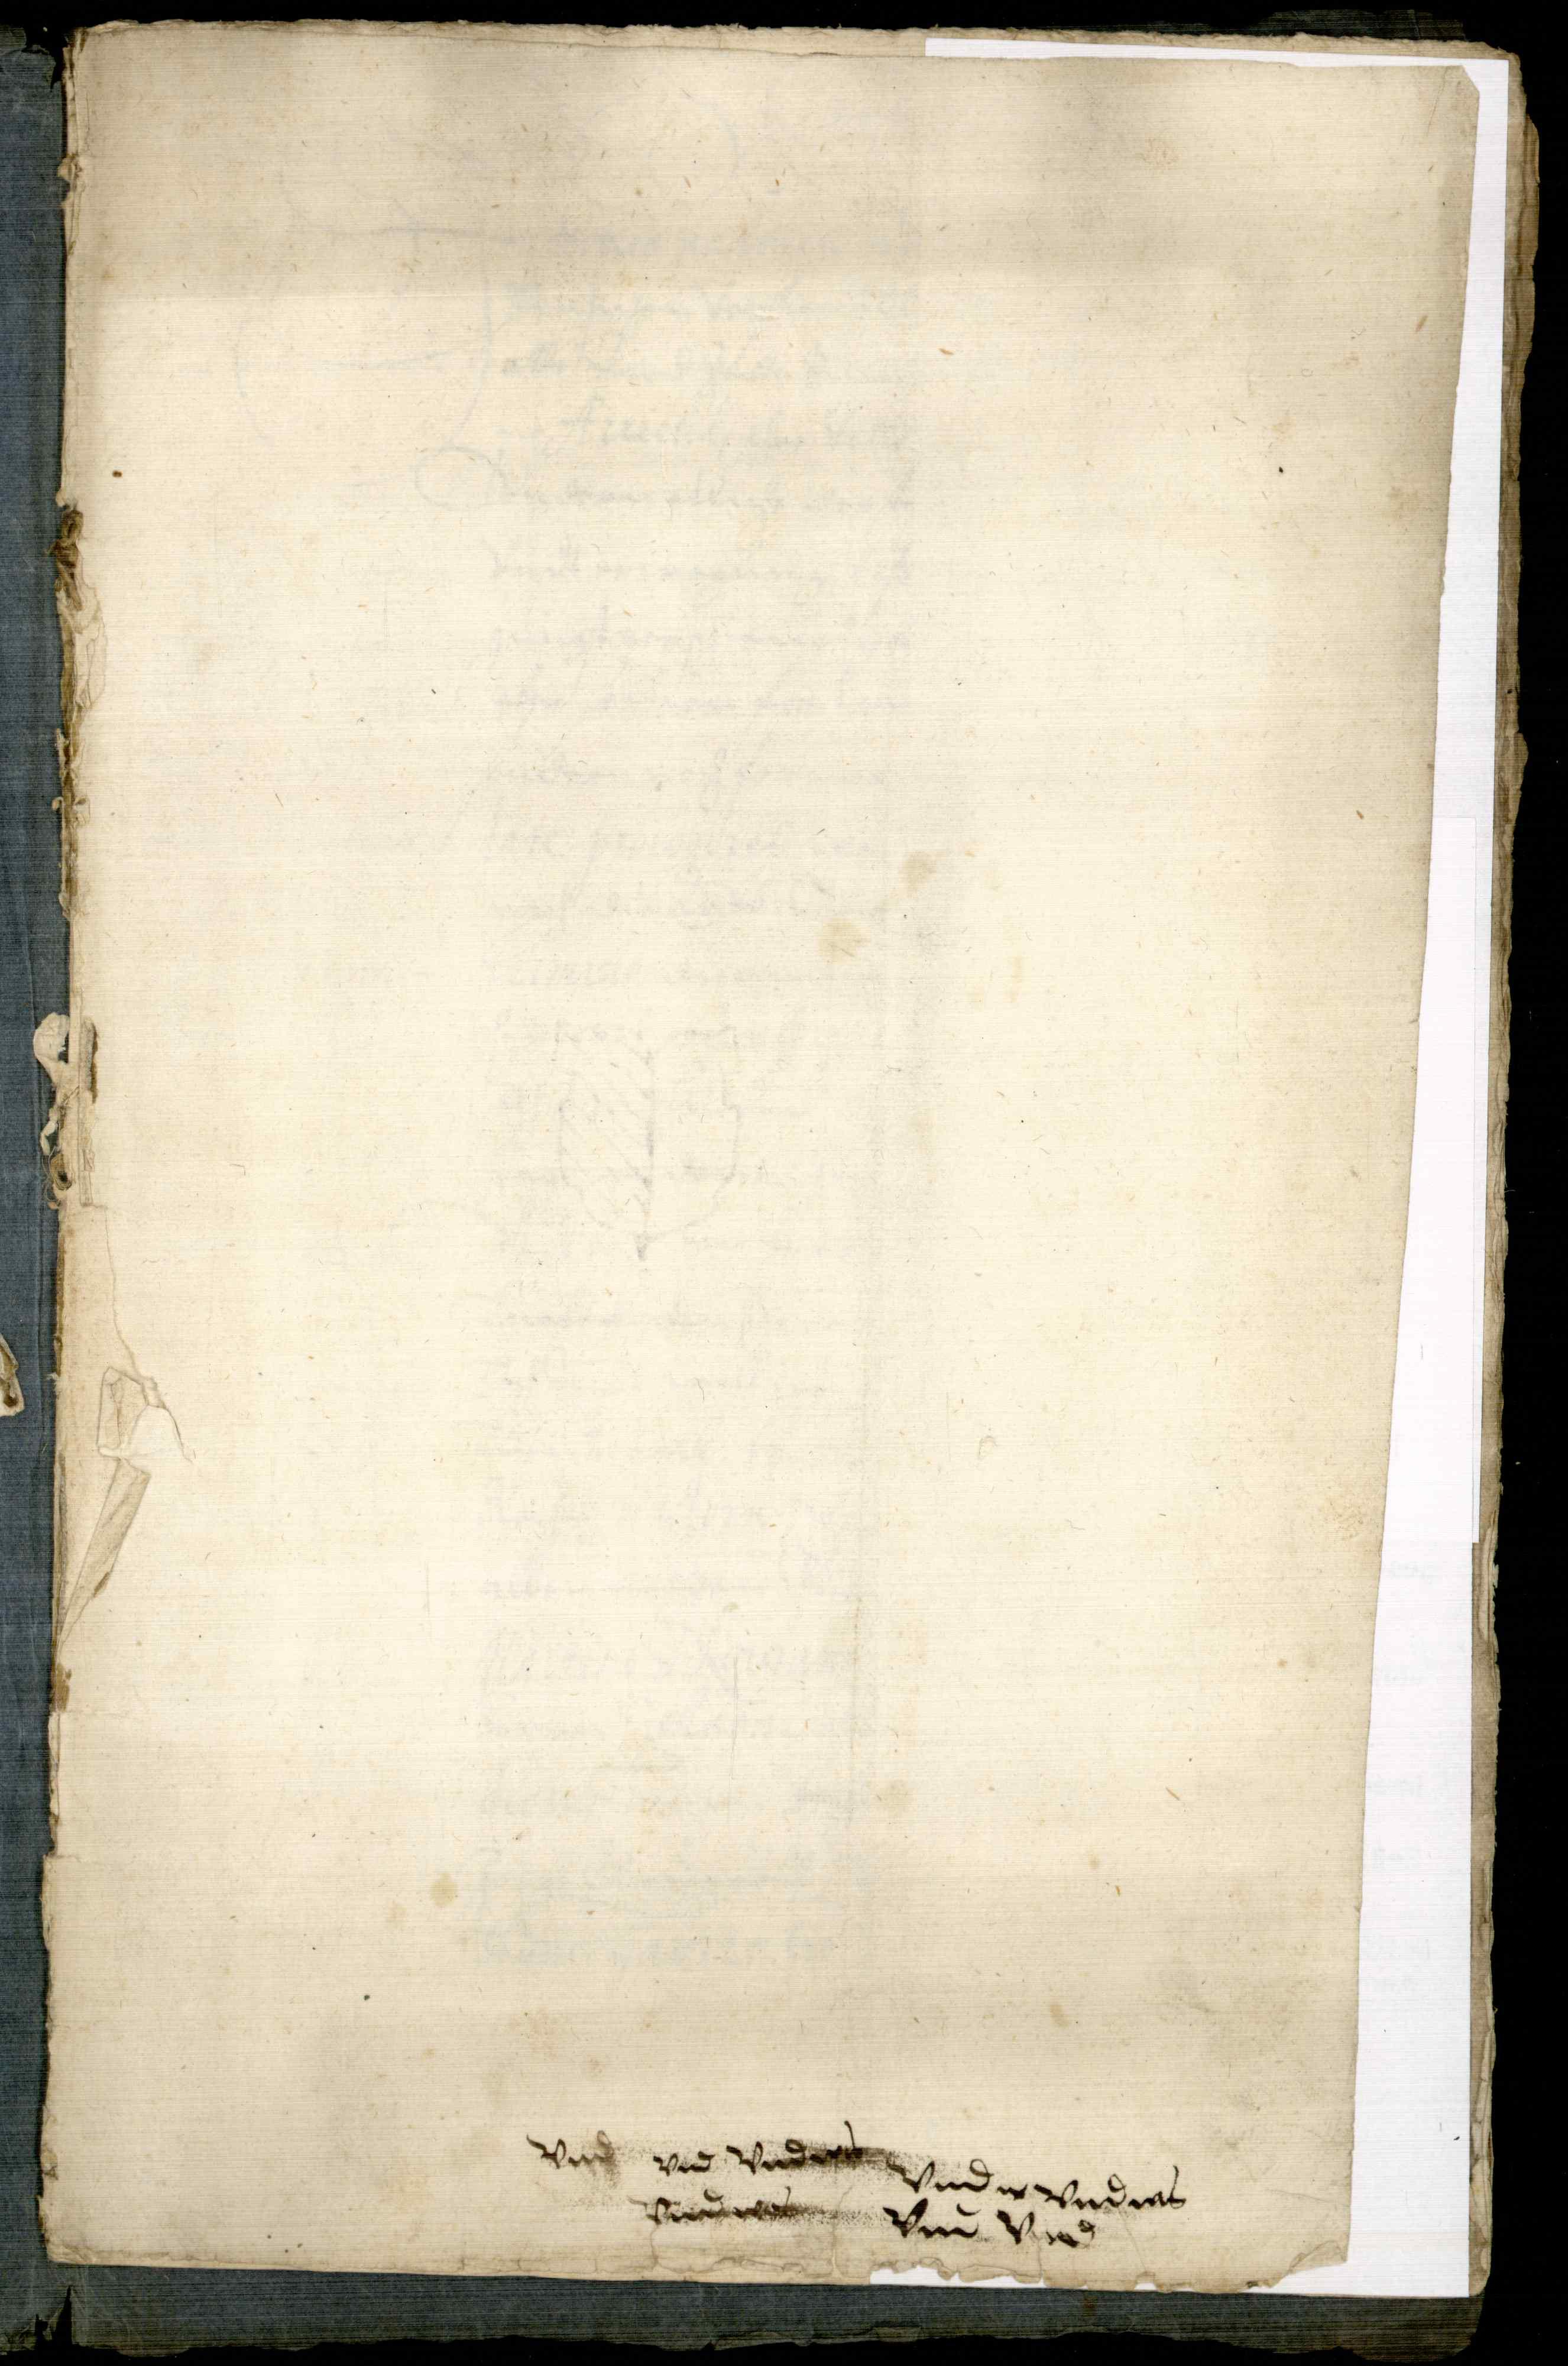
vnd vnd vnders vnd m vnd mal
vnders vnd vnd
